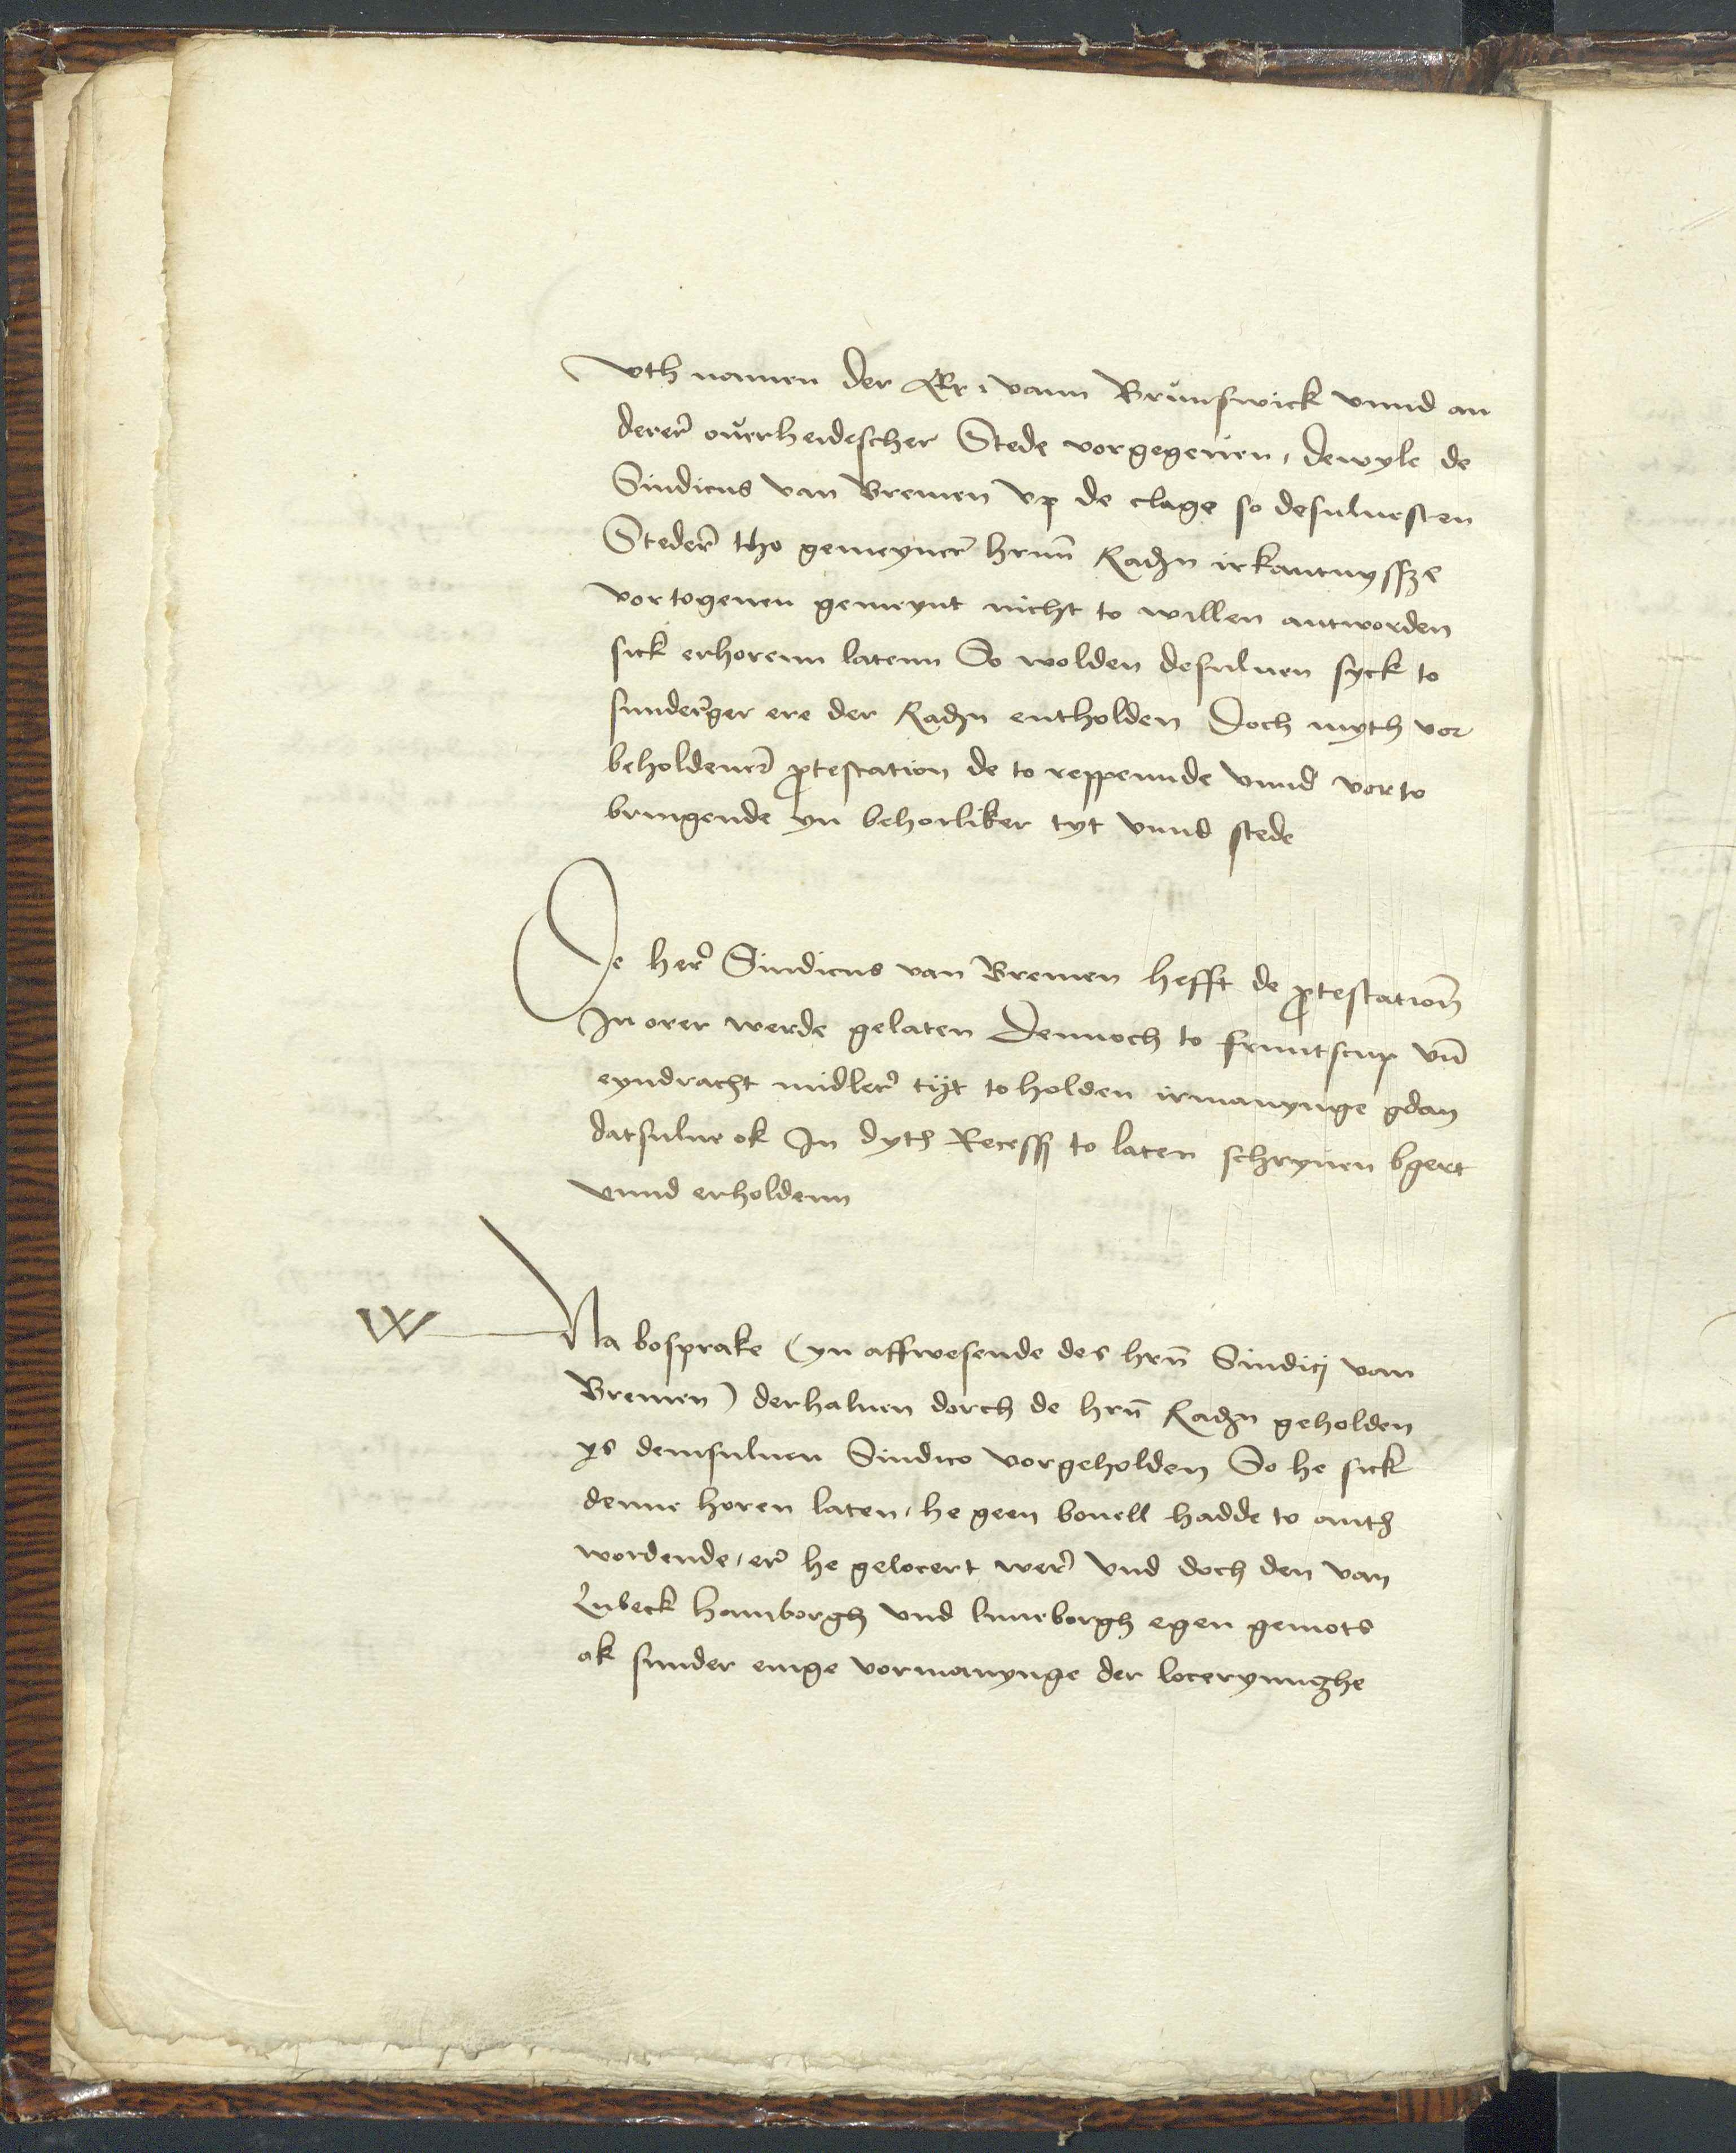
vth namen der E. van Brunswick vnnd an¬
derer ouerheidescher Stede vorgegeuen, dewyle de
Sindicus van Bremen vp de clage so desuluesten
Steder tho gemeyner hernn Radessendebaden irkantnyssze
vortogeuen gemeynt nicht to willen antworden
sick erhorenn laten So wolden desuluen syck to
sunderger ere den Radessendebaden entholden doch myth vor¬
beholdener protestation de to reppennde vnnd vorto¬
bringende yn behorliker tyt vnnd stede
De her Sindicus van Bremen hefft de protestation
Jn orer werde gelaten Dennoch to fruntscup vn
eyndracht midler tijt to holden irmanynge gdan
datsulue ok Jn dyth Recess to laten schryuen bgert
vnnd erholdenn
Na bosprake (yn affwesende der hern Sindicj van
Bremen) derhalven dorch de hern Radessendebaden geholden
ys demsuluen Sindico vorgeholden So he sick
denne horen laten, he geen bouell hadde to anth¬
wordende, er he gelocert were vnd doch den van
Lubeck Hamborgh vnd luneborgh egen gemots
ok sunder enige vormanynge der loceryninghe
W
